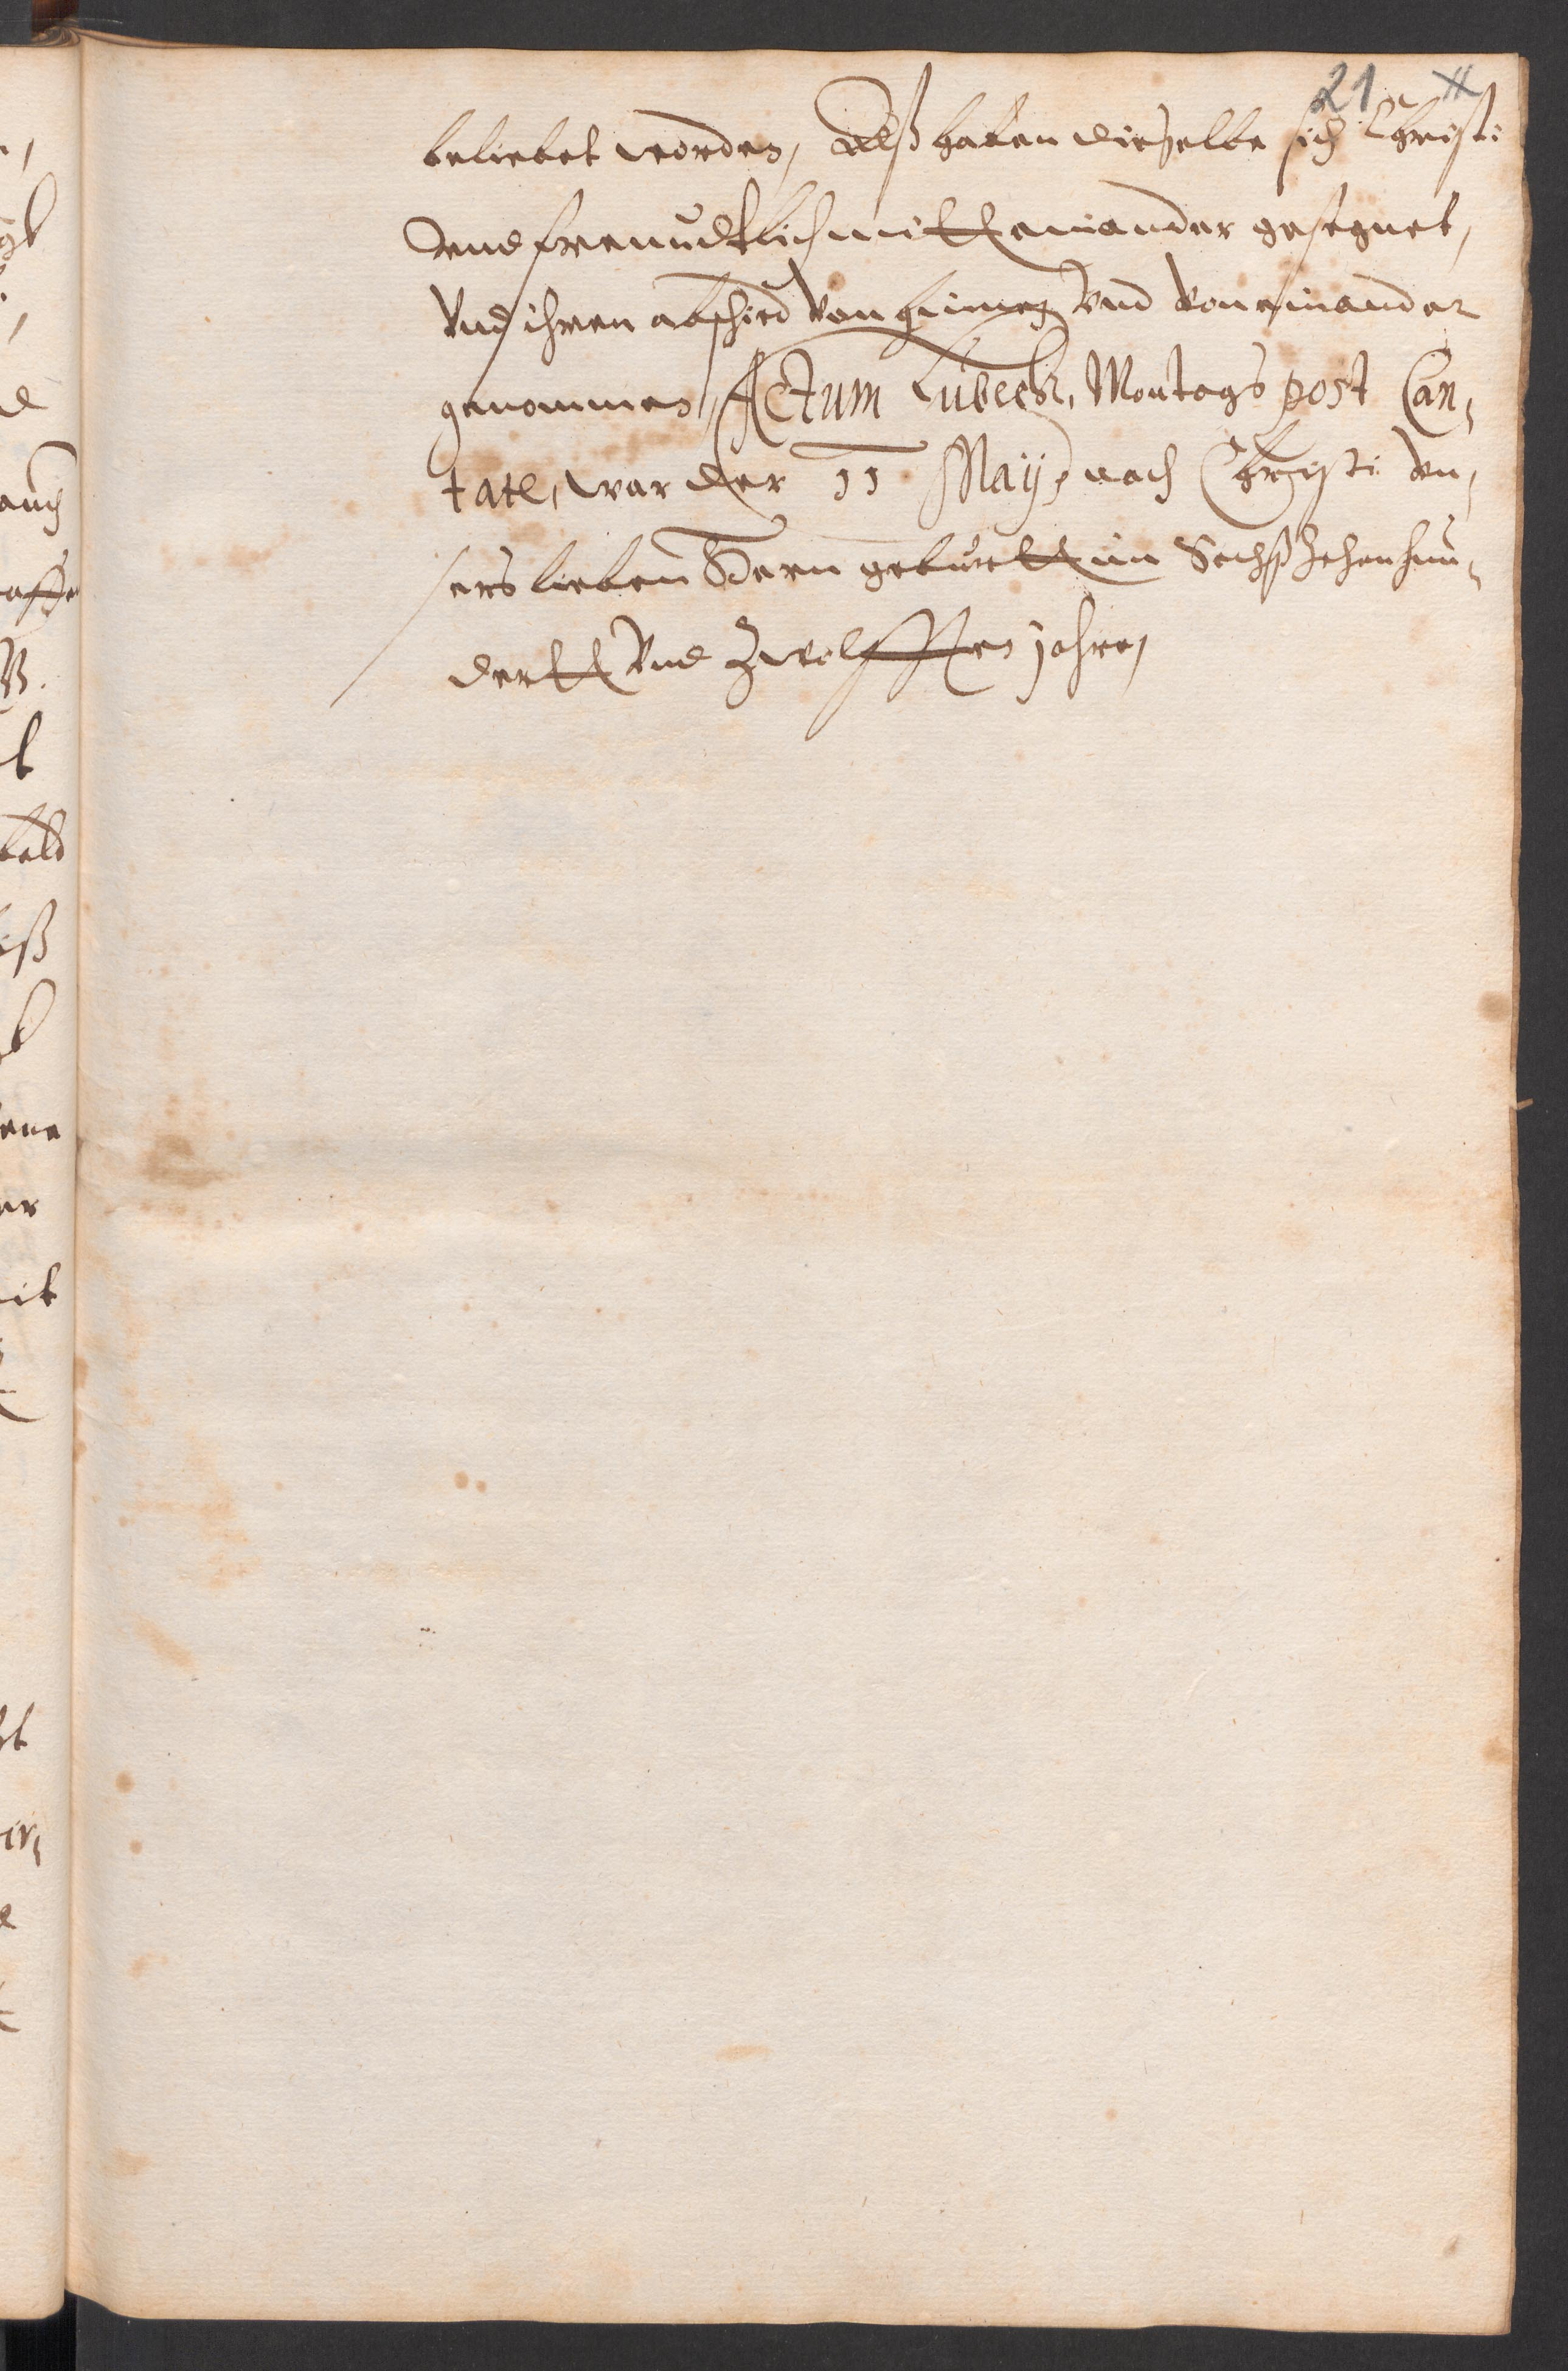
beliebet worden, Alß haben dieselbe sich Christ:
vnd freundtlich mitteinander gesegnet,
vnd ihren abschied von hinnen vnd von einander
genommen, Actum Lubeck, Montags post Can¬
tate, war der 11 Maij nach Christi vn¬
sers lieben Hern geburtt im Sechßzehenhun¬
dertt vnd zwolfften jahre,
